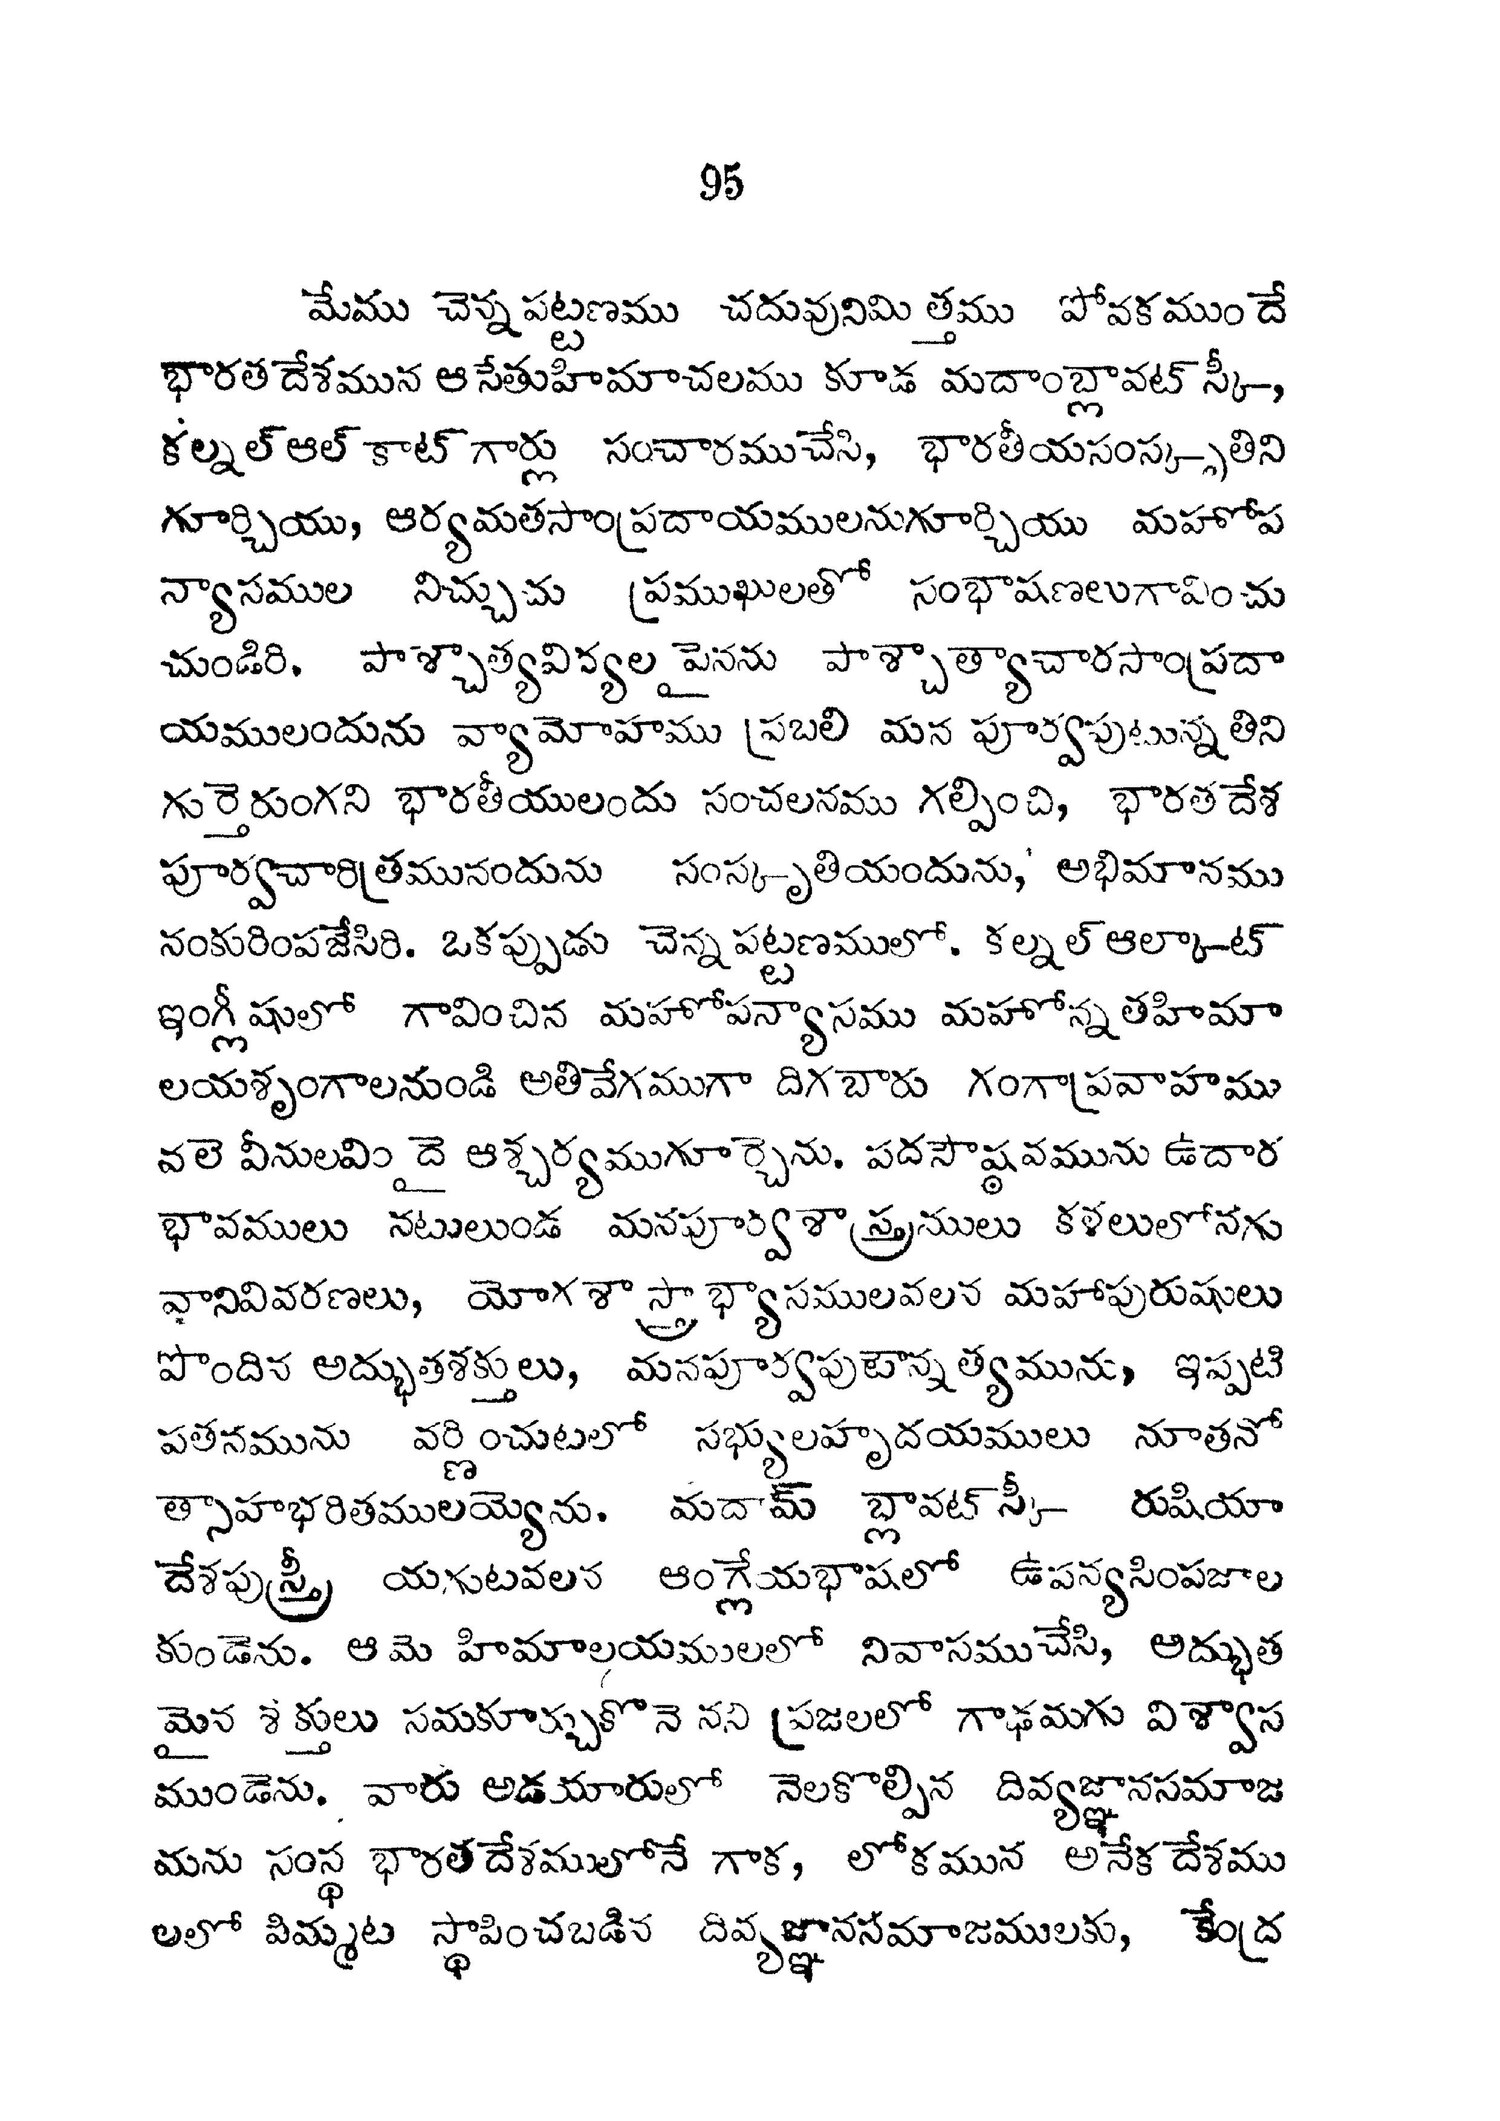మేము చెన్నపట్టణము చదువునిమిత్తము పోవకముందే భారతదేశమున ఆసేతుహిమాచలము కూడ మదాంబ్లావట్‌స్కీ, కల్నల్ఆల్‌కాట్‌గార్లు సంచారముచేసి, భారతీయసంస్కృతిని గూర్చియు, ఆర్యమతసాంప్రదాయములనుగూర్చియు మహోపన్యాసముల నిచ్చుచు ప్రముఖులతో సంభాషణలుగావించుచుండిరి. పాశ్చాత్యవిద్యలపైనను పాశ్చాత్యాచారసాంప్రదాయములందును వ్యామోహము ప్రబలి మన పూర్వపుటున్నతిని గుర్తెరుంగని భారతీయులందు సంచలనము గల్పించి, భారతదేశ పూర్వచారిత్రమునందును సంస్కృతియందును, అభిమానము నంకురింపజేసిరి. ఒకప్పుడు చెన్నపట్టణములో కల్నల్‌ఆల్కాట్ ఇంగ్లీషులో గావించిన మహోపన్యాసము మహోన్నతహిమాలయశృంగాలనుండి అతివేగముగా దిగబారు గంగాప్రవాహము వలె వీనులవిందై ఆశ్చర్యముగూర్చెను. పదసౌష్ఠవమును ఉదారభావములు నటులుండ మనపూర్వశాస్త్రములు కళలులోనగు వానివివరణలు, యోగశాస్త్రాభ్యాసములవలన మహాపురుషులు పొందిన అద్భుతశక్తులు, మనపూర్వపుటౌన్నత్యమును, ఇప్పటి పతనమును వర్ణించుటలో సభ్యులహృదయములు నూతనోత్సాహభరితములయ్యెను. మదామ్ బ్లావట్‌స్కీ రుషియా దేశపుస్త్రీ యగుటవలన ఆంగ్లేయభాషలో ఉపన్యసింపజాలకుండెను. ఆమె హిమాలయములలో నివాసముచేసి, అద్భుతమైన శక్తులు సమకూర్చుకొనెనని ప్రజలలో గాఢమగు విశ్వాసముండెను. వారు అడయారులో నెలకొల్పిన దివ్యజ్ఞానసమాజమను సంస్థ భారతదేశములోనే గాక, లోకమున అనేక దేశములలో పిమ్మట స్థాపించబడిన దివ్యజ్ఞానసమాజములకు, కేంద్ర